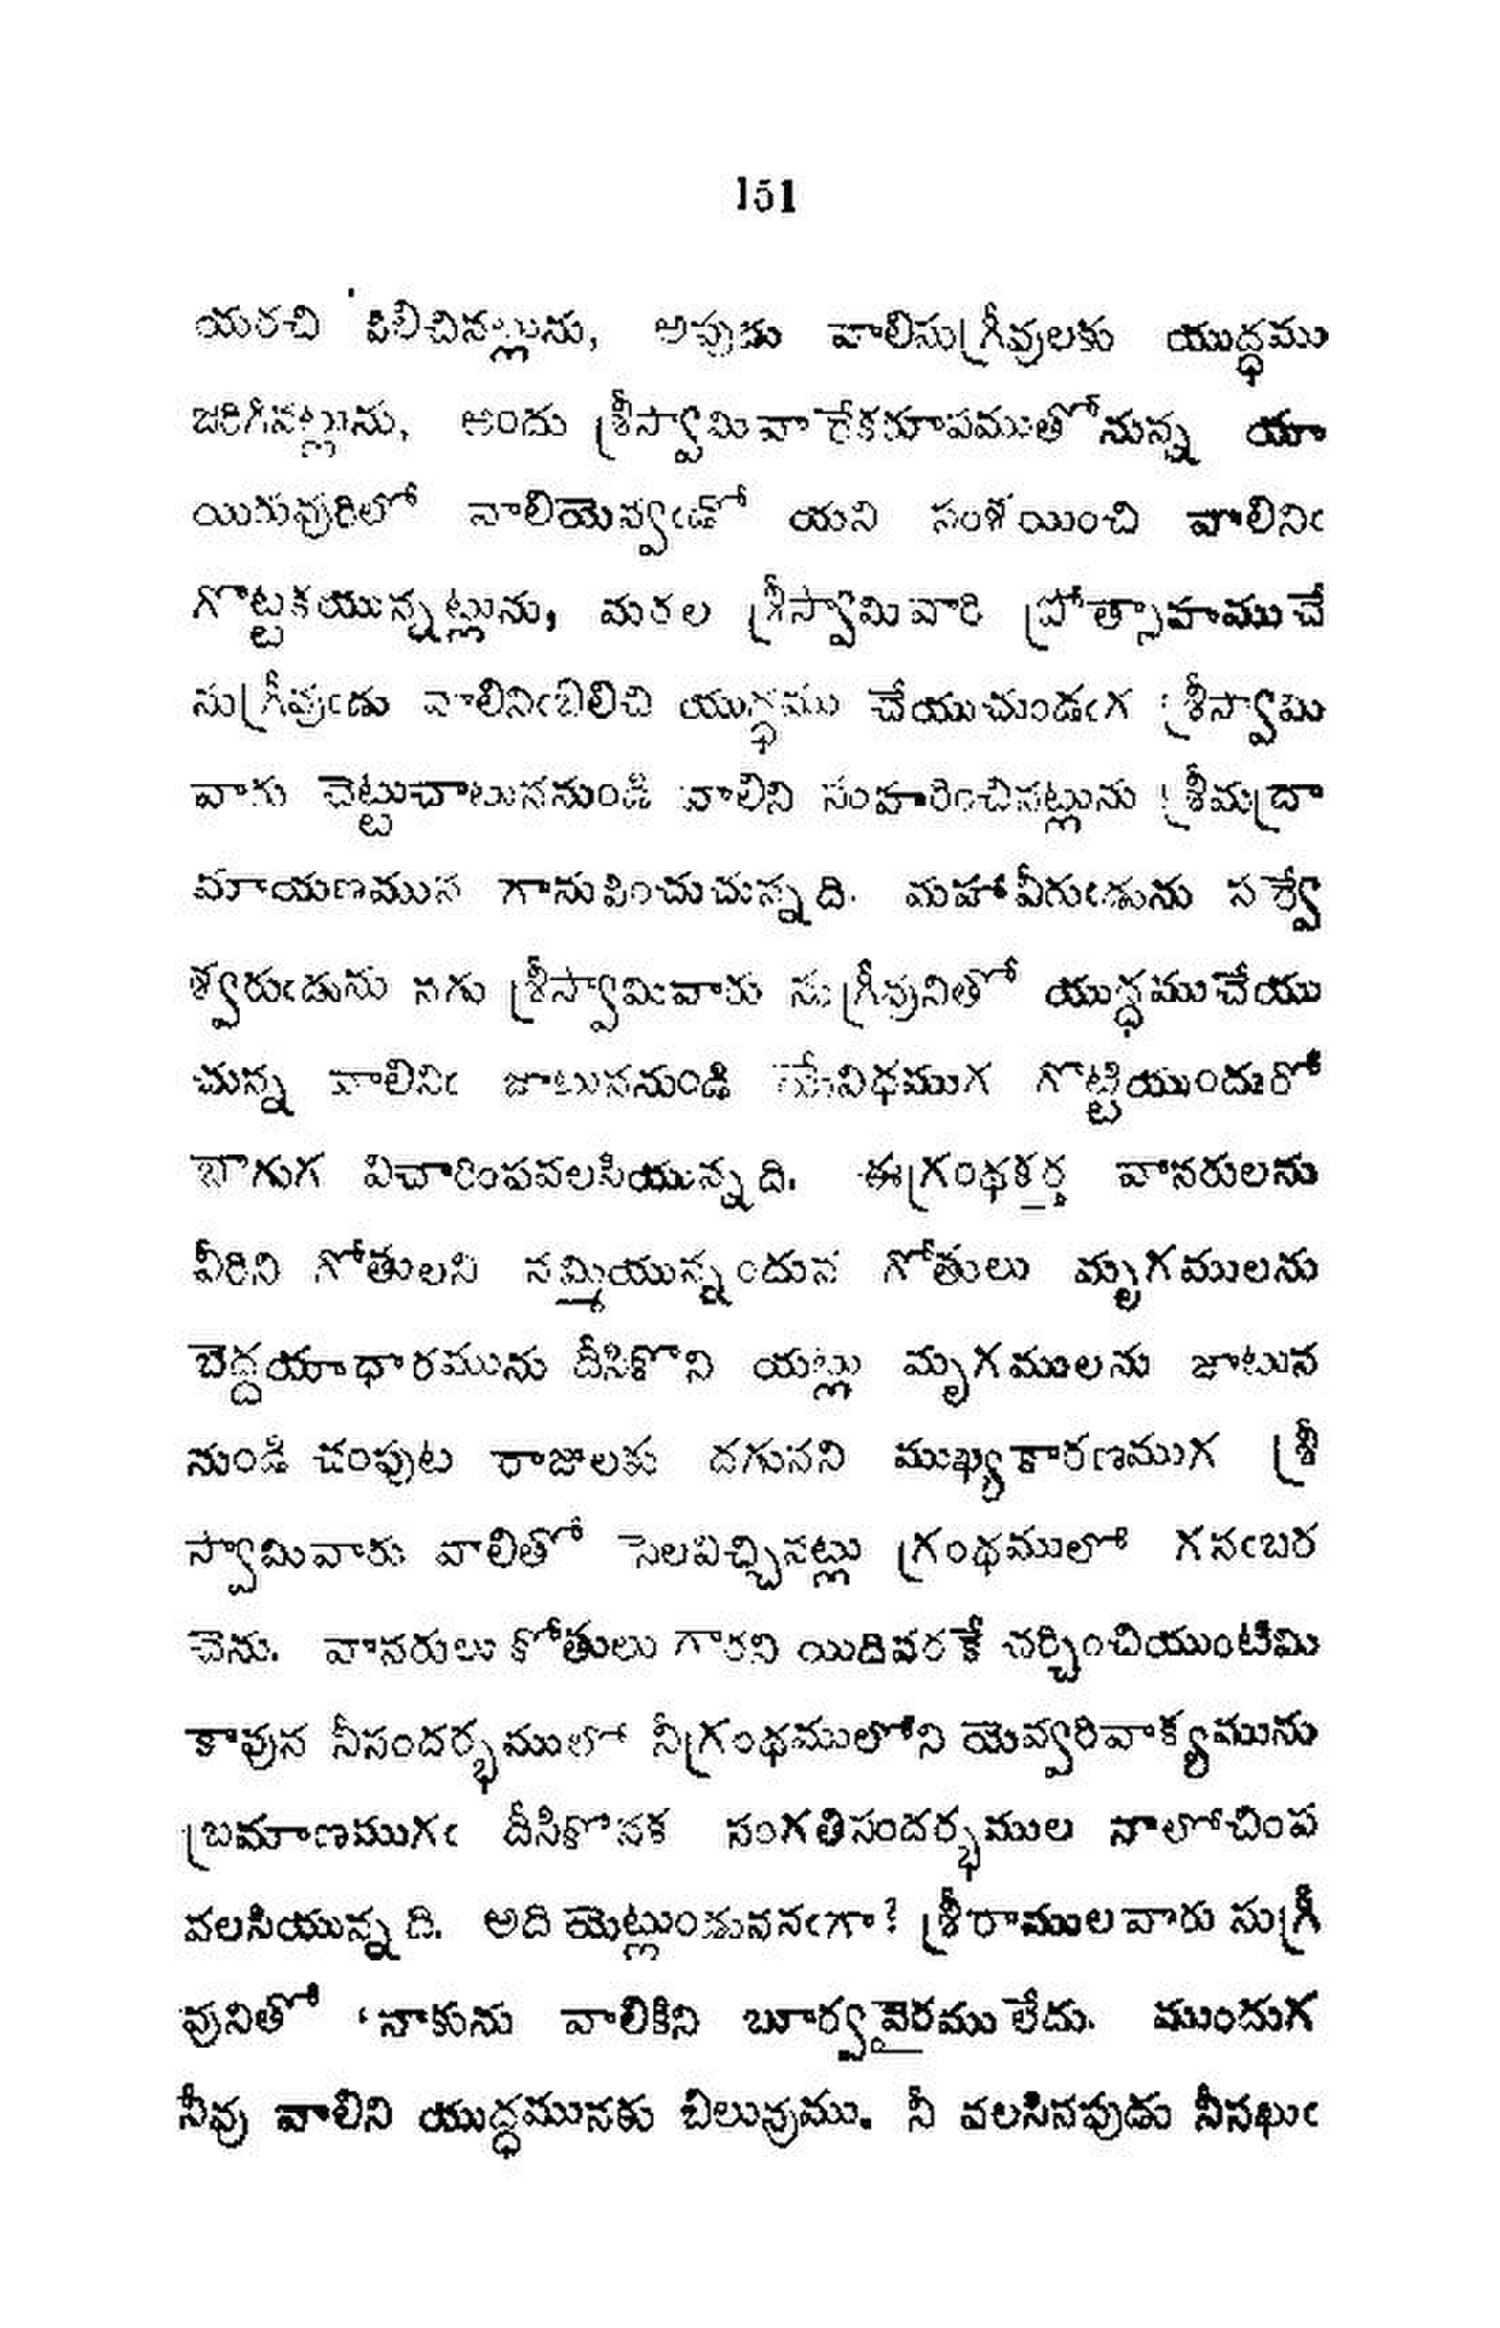యరచి పిలిచినట్లును, అప్పుడు వాలిసుగ్రీవులకు యుద్ధము జరిగినట్లును, అందు శ్రీస్వామివా రేకరూపముతోనున్న యా యిరువురిలో వాలియెవ్వఁడో యని సంశయించి వాలినిఁ గొట్టకయున్నట్లును, మరల శ్రీస్వామివారి ప్రోత్సాహముచే సుగ్రీవుఁడు వాలినిఁబిలిచి యుద్ధము చేయుచుండఁగ శ్రీస్వామివారు చెట్టుచాటుననుండి వాలిని సంహరించినట్లును శ్రీమద్రామాయణమున గానుపించుచున్నది. మహావీరుఁడును సర్వేశ్వరుఁడును నగు శ్రీస్వామివారు సుగ్రీవునితో యుద్ధము చేయుచున్న వాలినిఁ జాటుననుండి యేవిధముగ గొట్టియుందురో బాగుగ విచారింపవలసియున్నది. ఈగ్రంథకర్త వానరులను వీరిని గోతులని నమ్మియున్నందున గోతులు మృగములను బెద్దయాధారమును దీసికొని యట్లు మృగములను జాటున నుండి చంపుట రాజులకు దగునని ముఖ్యకారణముగ శ్రీస్వామివారు వాలితో సెలవిచ్చినట్లు గ్రంథములో గనఁబరచెను. వానరులు కోతులు గారని యిదివరకే చర్చించియుంటిమి కావున నీసందర్భములో నీగ్రంథములోని యెవ్వరివాక్యమును
బ్రమాణముగఁ దీసికొనక సంగతిసందర్భముల నాలోచింప వలసియున్నది. అది యెట్లుండుననఁగా ? శ్రీరాములవారు సుగ్రీవునితో 'నాకును వాలికిని బూర్వవైరములేదు. ముందుగ నీవు వాలిని యుద్ధమునకు బిలువుము. నీ వలసినపుడు నీసఖుఁ